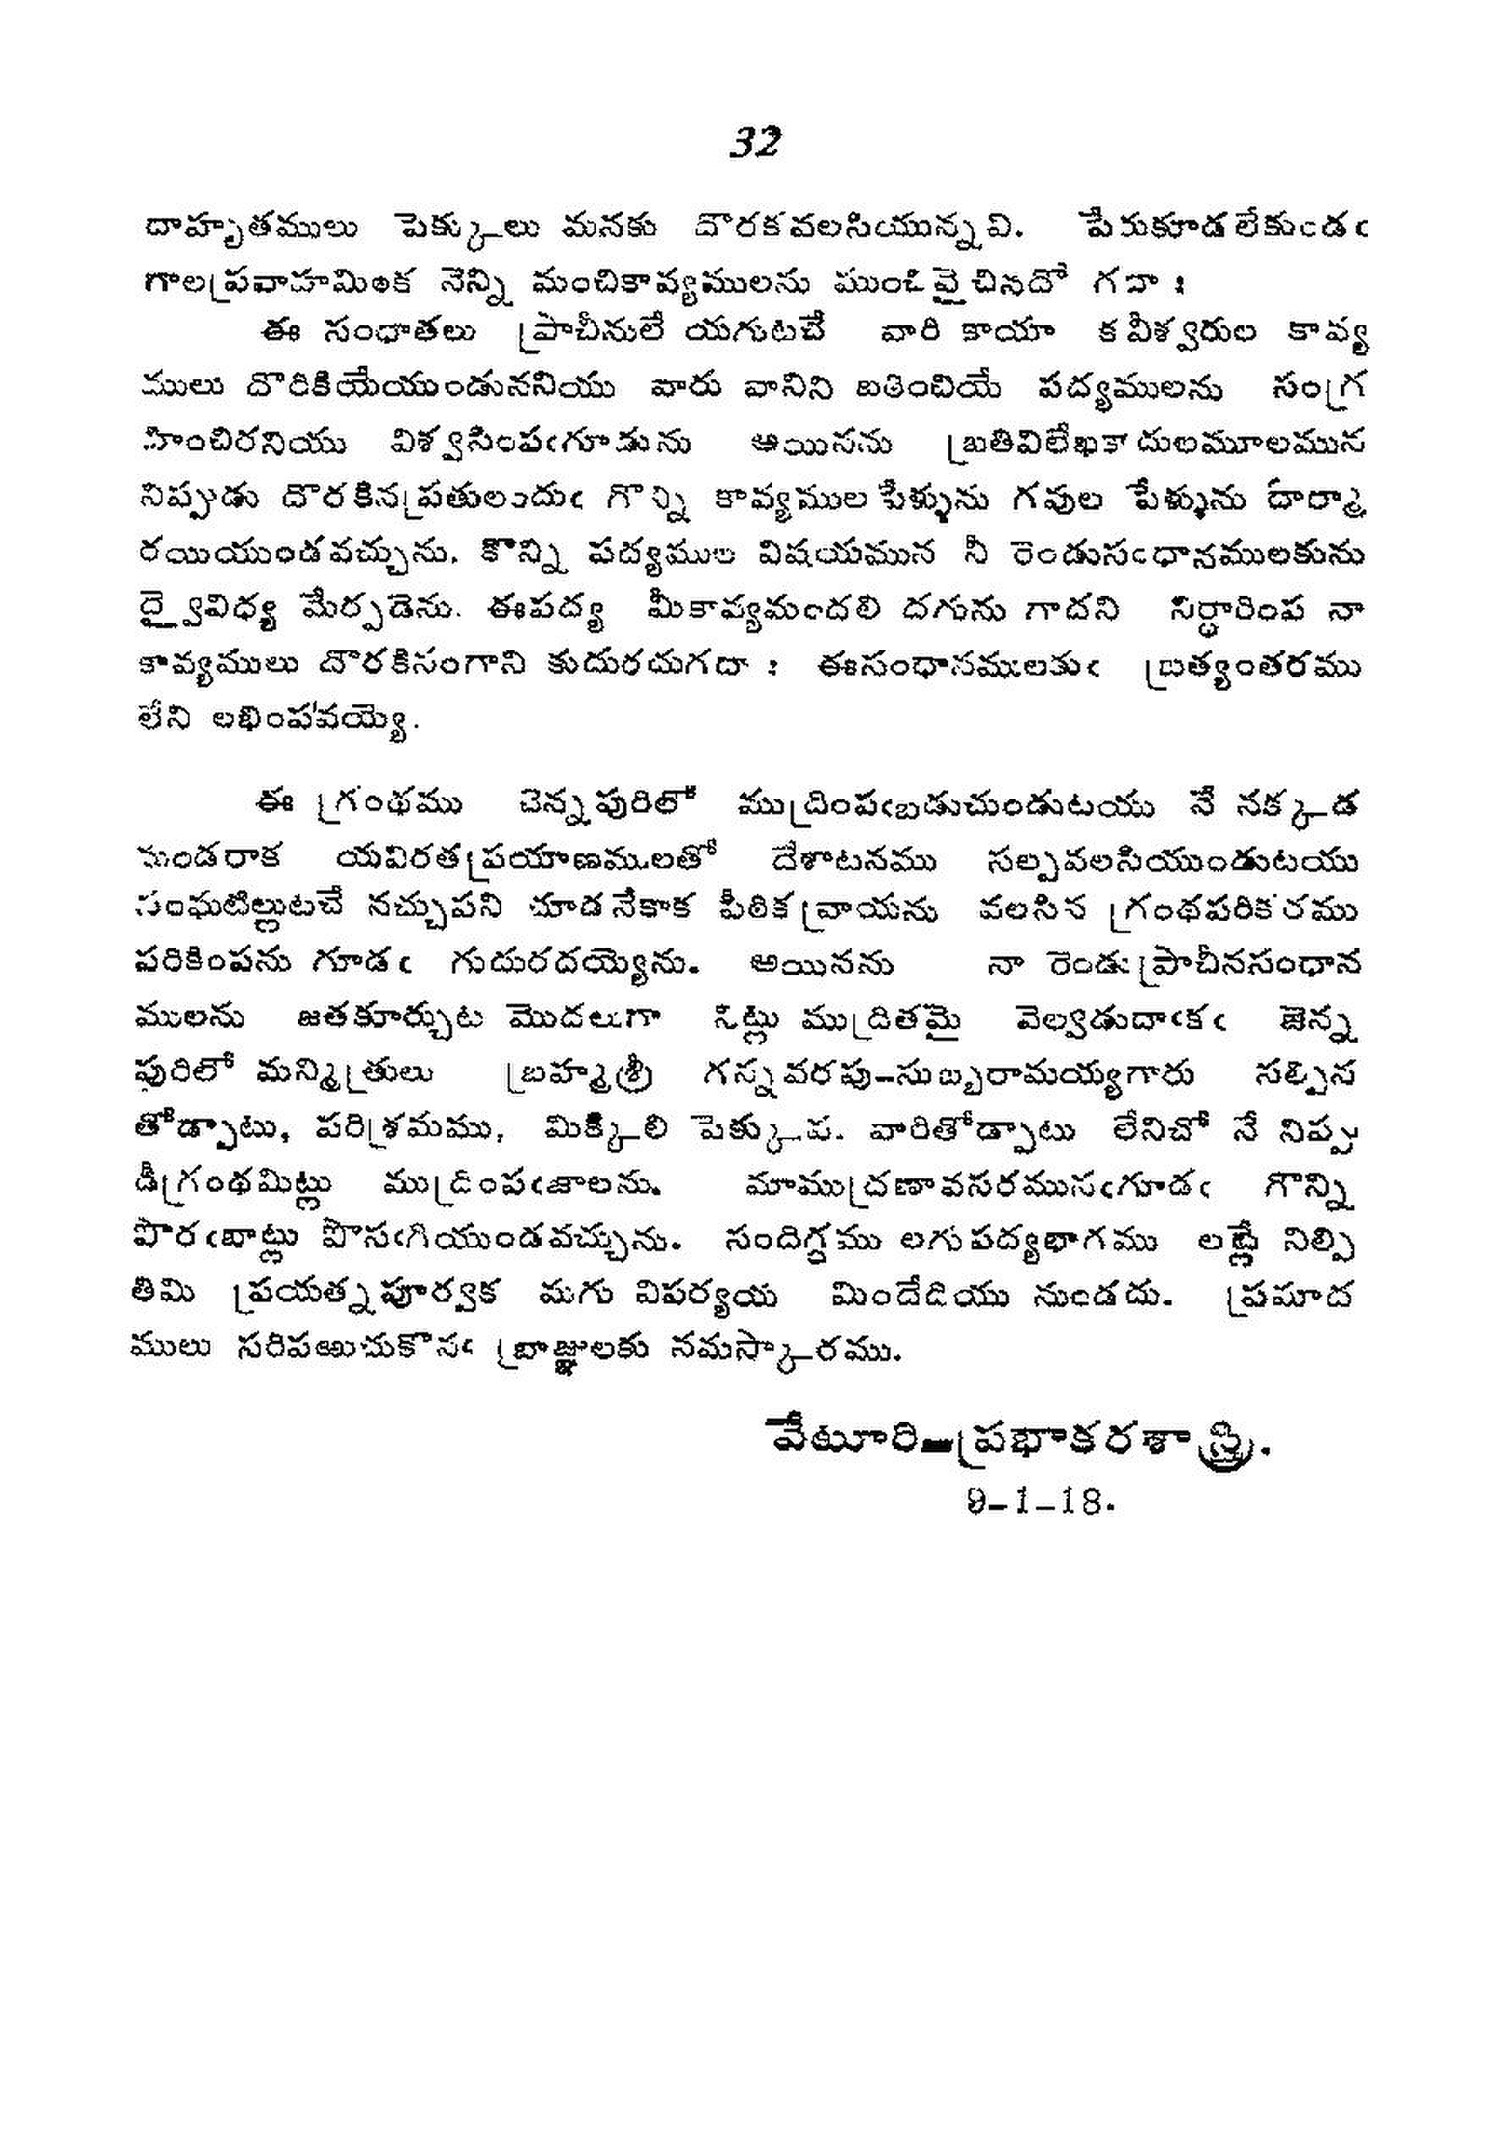దాహృతములు పెక్కులు మనకు దొరకవలసియున్నవి.పేరుకూడ లేకుండం
గాలప్రవాహమింక నెన్ని మంచికావ్యములను ముంచి వై చినదో గదా !
ఈ సంధాతలు ప్రాచీనులే యగుటచే వారి కాయా కవీశ్వరుల కావ్య
ములు దొరికి పోయుండుననియు వారు దానిని బథించియే పద్యములను సంగ్రహించిరనియు విశ్వసింపఁగూడును అయినను బ్రతివిలేఖకా దులమూలమున నిప్పుడు దొరకిన ప్రతులందుఁ గొన్ని కావ్యముల పేళ్ళును గవుల పేళ్ళును దార్మా రయియుండవచ్చును. కొన్ని పద్యముల విషయమున నీ రెండుసంధానములకును దైవిధ్య మేర్పడెను. ఈపద్య మీకావ్యమందలి దగును గాదని నిర్ధారింప కావ్యములు దొరకినంగాని కుదురచుగదా: ఈసంధానములకుఁ బ్రత్యంతరము లేని లభింపవయ్యె.

ఈ గ్రంథము చెన్నపురిలో ముద్రింపఁబడుచుండుటయు నే నక్కడ
నుండరాకయవిరత ప్రయాణములతో దేశాటనము సల్పవలసియుండుటయు
సంఘటిల్లుటచే నచ్చుపని చూడ నేకాక పీఠిక వ్రాయను వలసిన గ్రంథపరికరము పరికింపను గూడఁ గుదురదయ్యెను. అయినను నా రెండు ప్రాచీనసంధాన ములను జతకూర్చుట మొదలుగా సిట్లు ముద్రితమై వెల్వడుదాఁకఁ జెన్నపురిలో మన్మిత్రులు బ్రహ్మశ్రీ గన్నవరపు సుబ్బరామయ్య గారు సల్పిన తోడ్పాటు, పరిశ్రమము, మిక్కిలి పెక్కువ. వారితోడ్పాటు లేనిచో నే నిప్పుడిగ్రంథమిట్లు ముద్రింపఁజాలను. మాముద్రణావసరమునఁగూడఁ గొన్నిపొర పాట్లు పొసఁగియుండవచ్చును. సందిగ్ధము లగు పద్యభాగము లట్లే నిల్పితిమి ప్రయత్నపూర్వక మగు విపర్యయ మిందేదియు నుండదు. ప్రమాద
ములు సరిపఱుచుకొసఁ బ్రాజ్ఞులకు నమస్కారము.